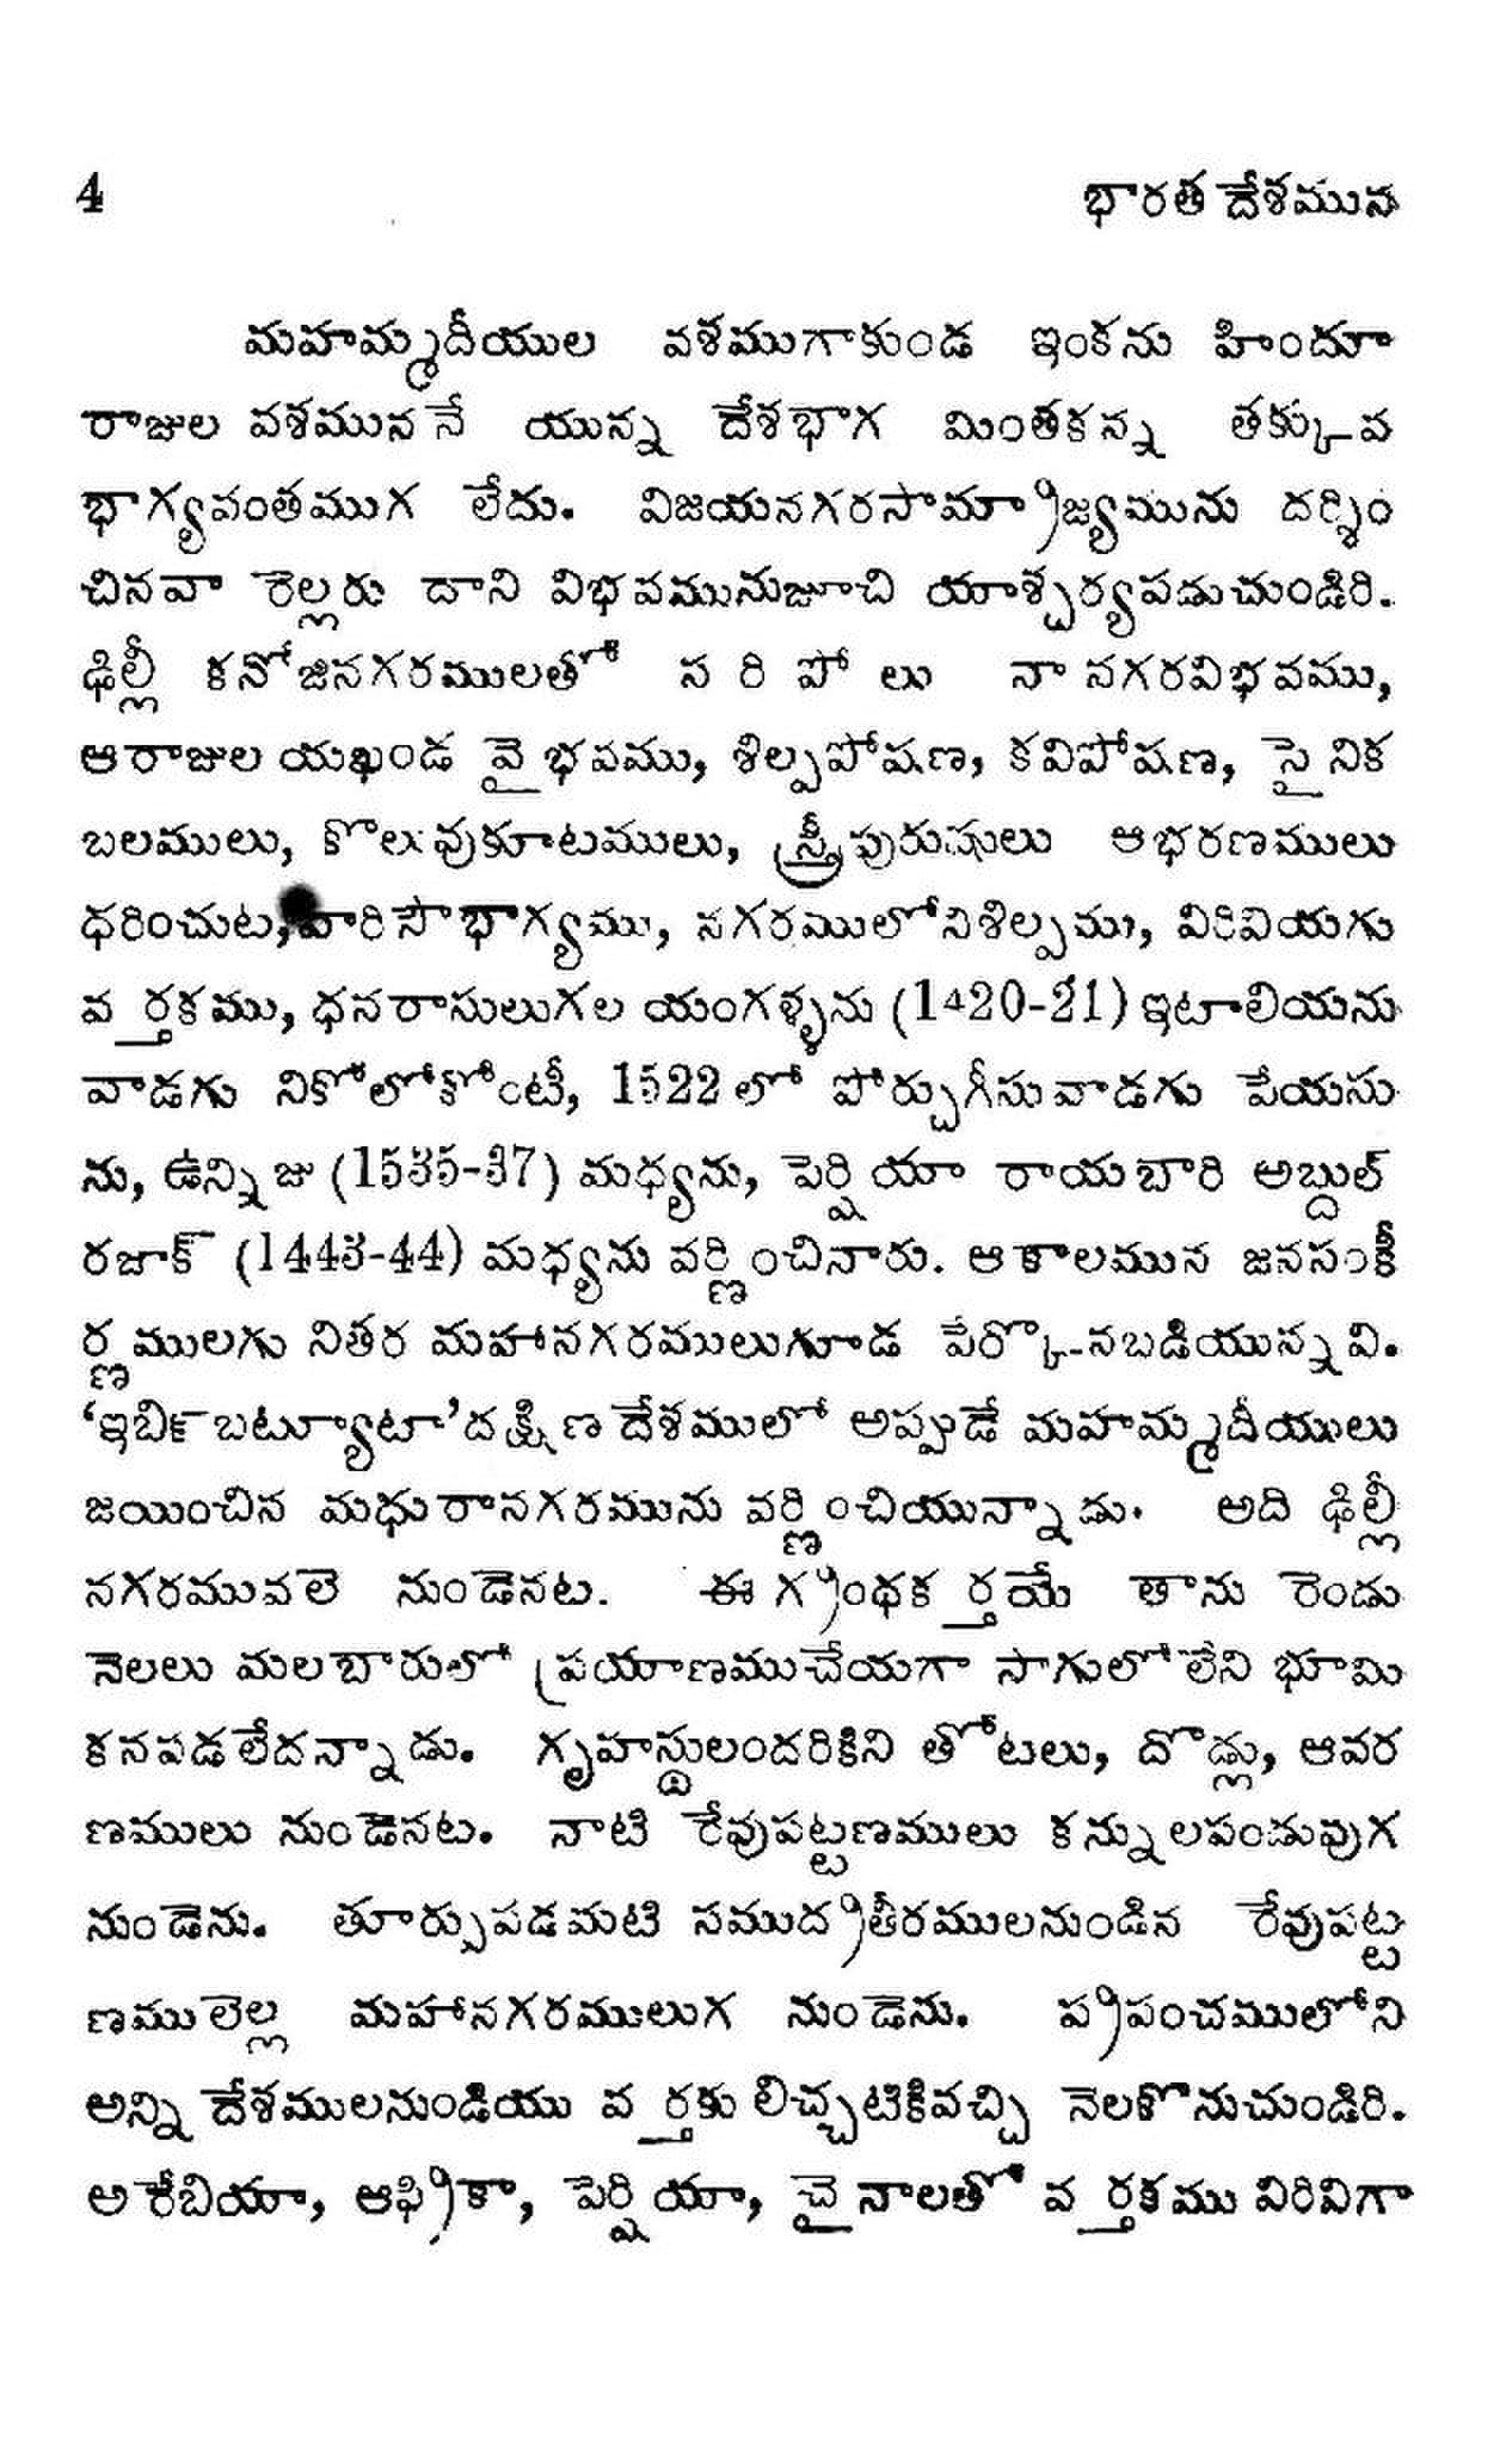మహమ్మదీయుల వశముగాకుండ ఇంకను హిందూరాజుల వశమున నే యున్న దేశభాగ మింతకన్న తక్కువ
భాగ్యవంతముగ లేదు. విజయనగరసామ్రాజ్యమును దర్శించినవా రెల్లరు దాని విభవమునుజూచి యాశ్చర్యపడుచుండిరి. ఢిల్లీ కనోజినగరములతో సరిపోలు నా నగరవిభవము, ఆరాజుల యఖండ వైభవము, శిల్పపోషణ, కవిపోషణ, సైనిక బలములు, కొలువుకూటములు, స్త్రీ పురుషులు ఆభరణములు ధరించుట, వారి సౌభాగ్యము, నగరములోని శిల్పము, విరివియగు వర్తకము, ధనరాసులుగల యంగళ్ళను (1420-21) ఇటాలియను వాడగు నికోలోకోంటీ, 1522 లో పోర్చుగీసు వాడగు పేయసును, ఉన్నిజు (1535-37) మధ్యను, పెర్షియా రాయబారి అబ్దుల్ రజాక్ (1443-44) మధ్యను వర్ణించినారు. ఆ కాలమున జనసంకీర్ణములగు నితర మహానగరములుగూడ పేర్కొనబడియున్నవి. “ఇబి౯బట్యూటా' దక్షిణ దేశములో అప్పుడే మహమ్మదీయులు జయించిన మధురానగరమును వర్ణించియున్నాడు. అది ఢిల్లీ నగరమువలె నుండెనట. ఈ గ్రంథకర్తయే తాను రెండు నెలలు మలబారులో ప్రయాణము చేయగా సాగులోలేని భూమి కనపడలేదన్నాడు. గృహస్థులందరికిని తోటలు, దొడ్లు, ఆవరణములు నుండెనట. నాటి రేవుపట్టణములు కన్నులపండువుగ నుండెను. తూర్చుపడమటి సముద్రతీరములనుండిన రేవుపట్టణము లెల్ల మహానగరములుగ నుండెను. ప్రపంచములోని అన్ని దేశములనుండియు వర్తకు లిచ్చటికి వచ్చి నెలకొనుచుండిరి. అరేబియా, ఆఫ్రికా, పెర్షియా, చైనాలతో వర్తకము విరివిగా